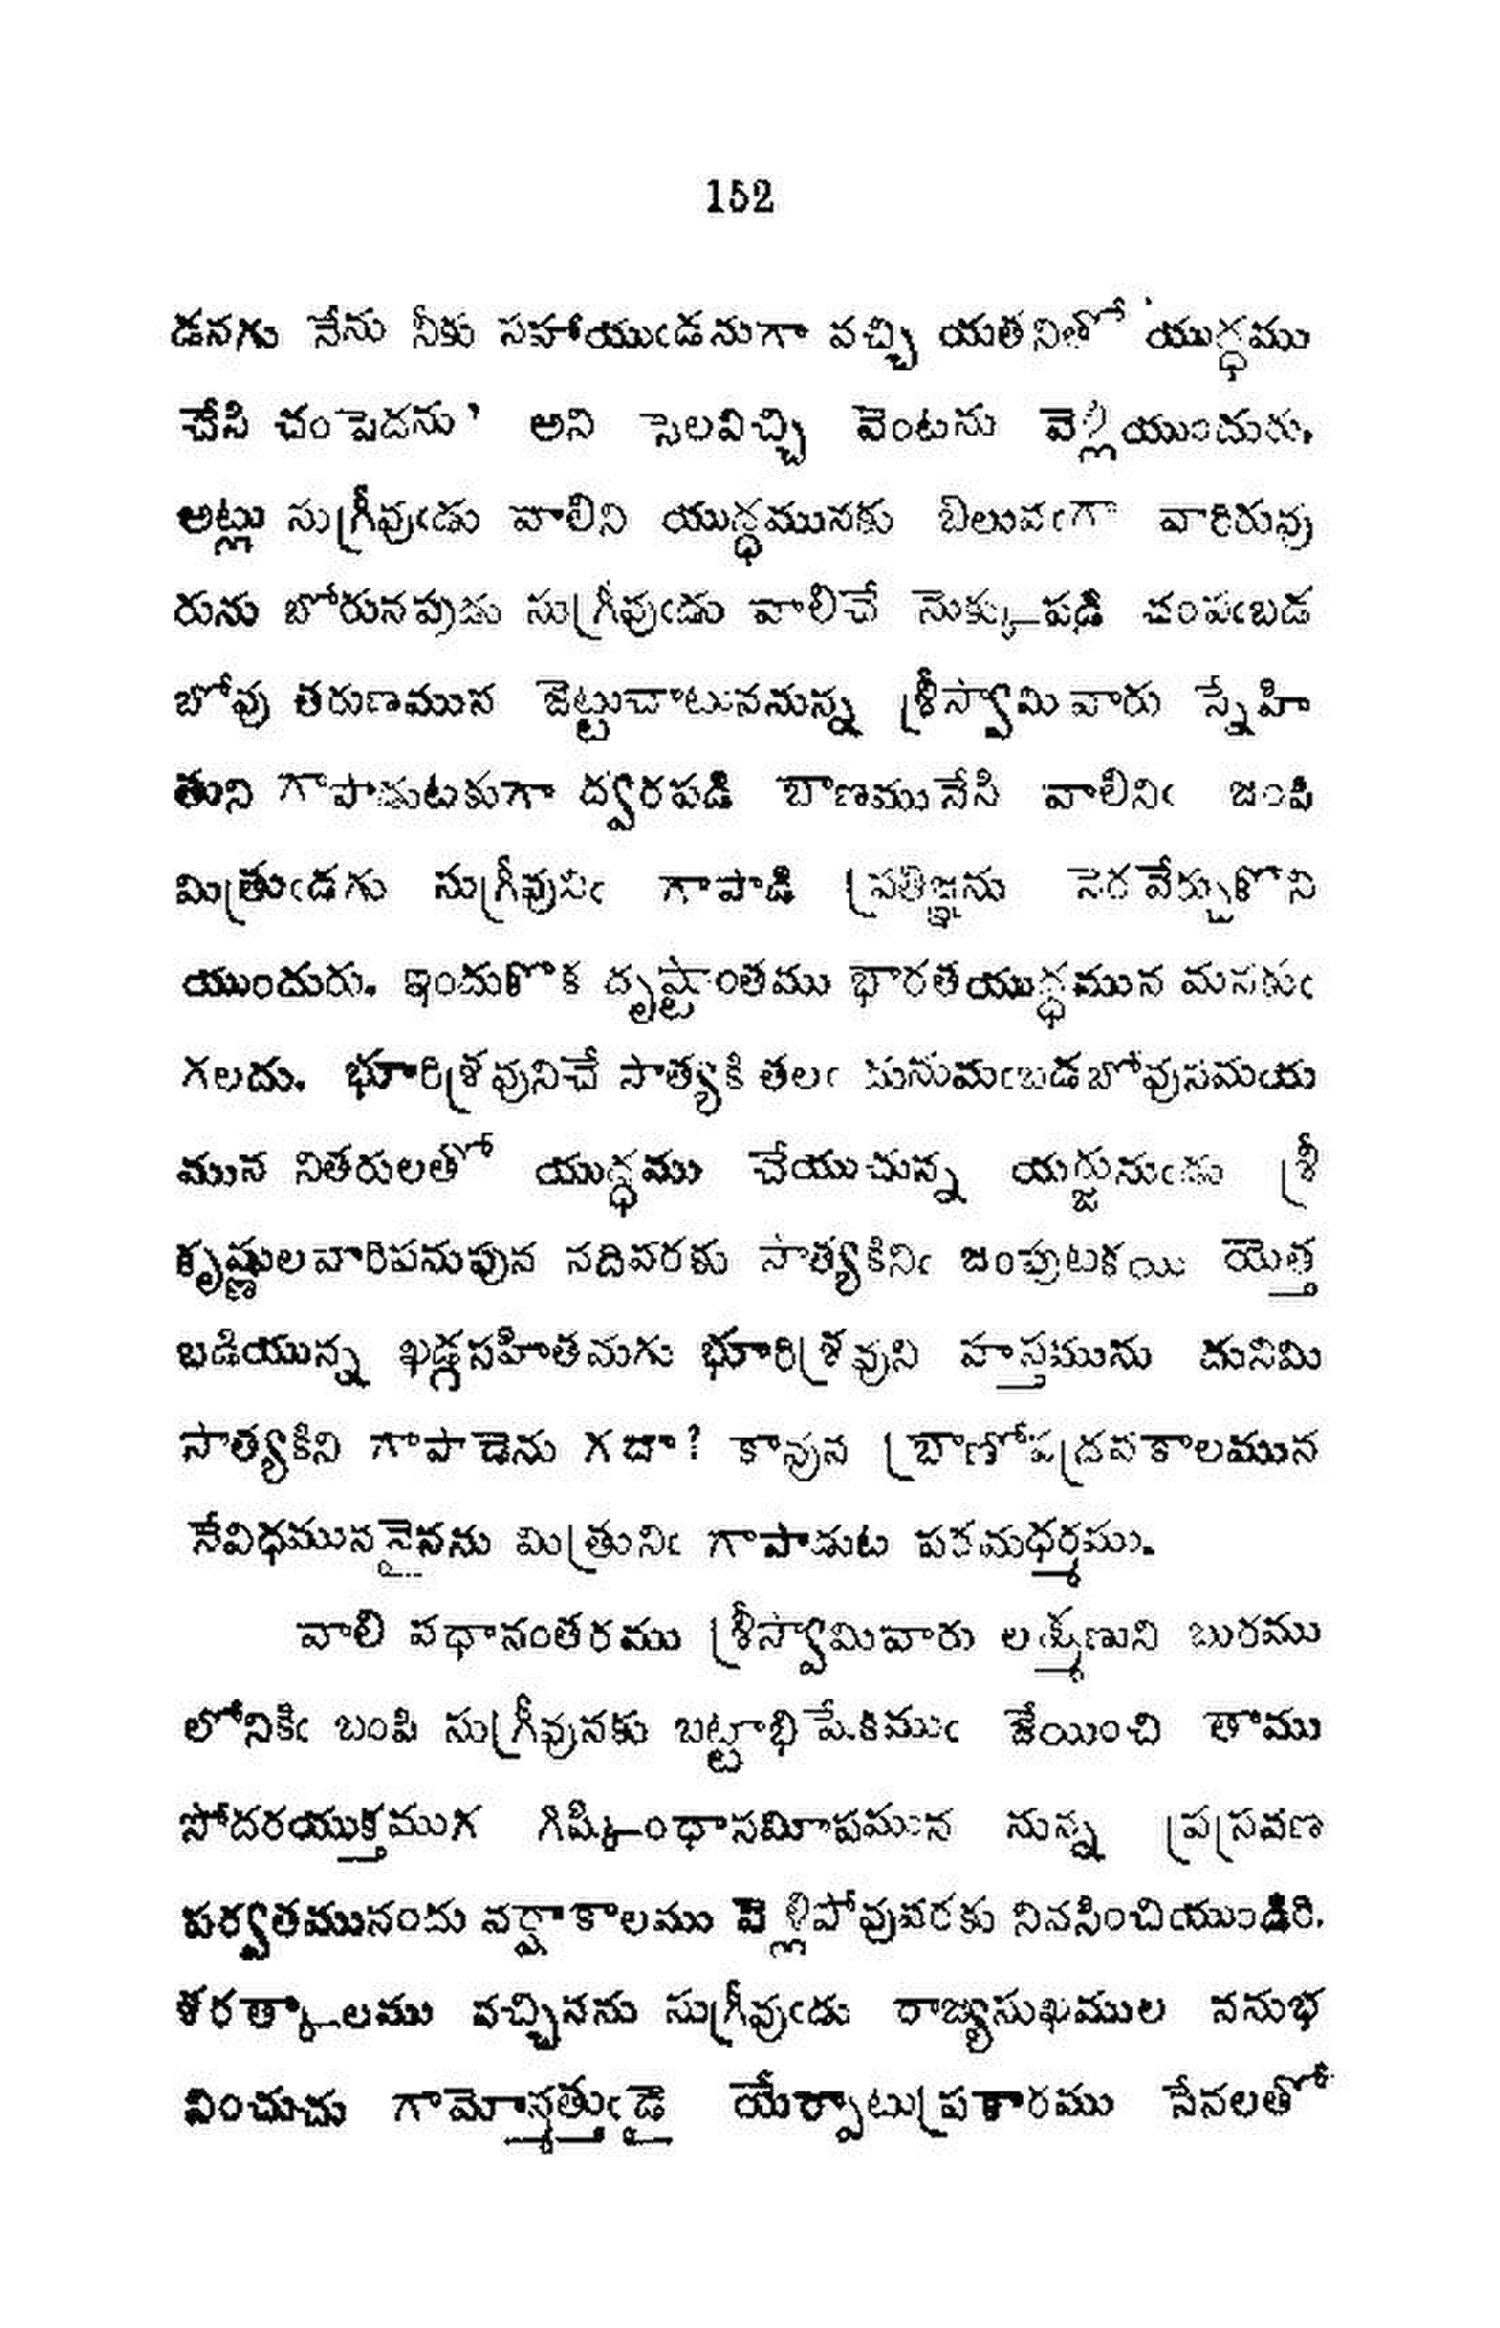డనగు నేను నీకు సహాయుఁడనుగా వచ్చి యతనితో యుద్ధము చేసి చంపెదను' అని సెలవిచ్చి వెంటను వెళ్లియుందురు. అట్లు సుగ్రీవుఁడు వాలిని యుద్ధమునకు బిలువఁగా వారిరువురును బోరునపుడు సుగ్రీవుఁడు వాలిచే నొక్కు పడి చంపఁబడ బోవు తరుణమున జెట్టుచాటుననున్న శ్రీస్వామివారు స్నేహితుని గాపాడుటకుగా ద్వరపడి బాణమువేసి వాలినిఁ జంపి మిత్రుఁడగు సుగ్రీవునిఁ గాపాడి ప్రతిజ్ఞను నెరవేర్చుకొని యుందురు. ఇందుకొక దృష్టాంతము భారతయుద్ధమున మనకుఁ గలదు. భూరిశ్రవునిచే సాత్యకి తలఁ దునుమఁబడబోవుసమయమున నితరులతో యుద్ధము చేయుచున్న యర్జునుఁడు శ్రీకృష్ణులవారిపనుపున నదివరకు సాత్యకినిఁ జంపుటకయి యెత్త
బడియున్న ఖడ్గసహితమగు భూరిశ్రవుని హస్తమును దునిమి సాత్యకిని గాపాడెను గదా! కావున బ్రాణోపద్రవకాలమున నేవిధముననైనను మిత్రునిఁ గాపాడుట పరమధర్మము.

వాలి వధానంతరము శ్రీస్వామివారు లక్ష్మణుని బురములోనికిఁ బంపి సుగ్రీవునకు బట్టాభిషేకముఁ జేయించి తాము సోదరయుక్తముగ గిష్కింధాసమీపమున నున్న ప్రస్రవణ పర్వతమునందు వర్షాకాలము వెళ్లిపోవువరకు నివసించియుండిరి. శరత్కాలము వచ్చినను సుగ్రీవుఁడు రాజ్యసుఖముల ననుభవించుచు గామోన్మత్తుఁడై యేర్పాటుప్రకారము సేనలతో